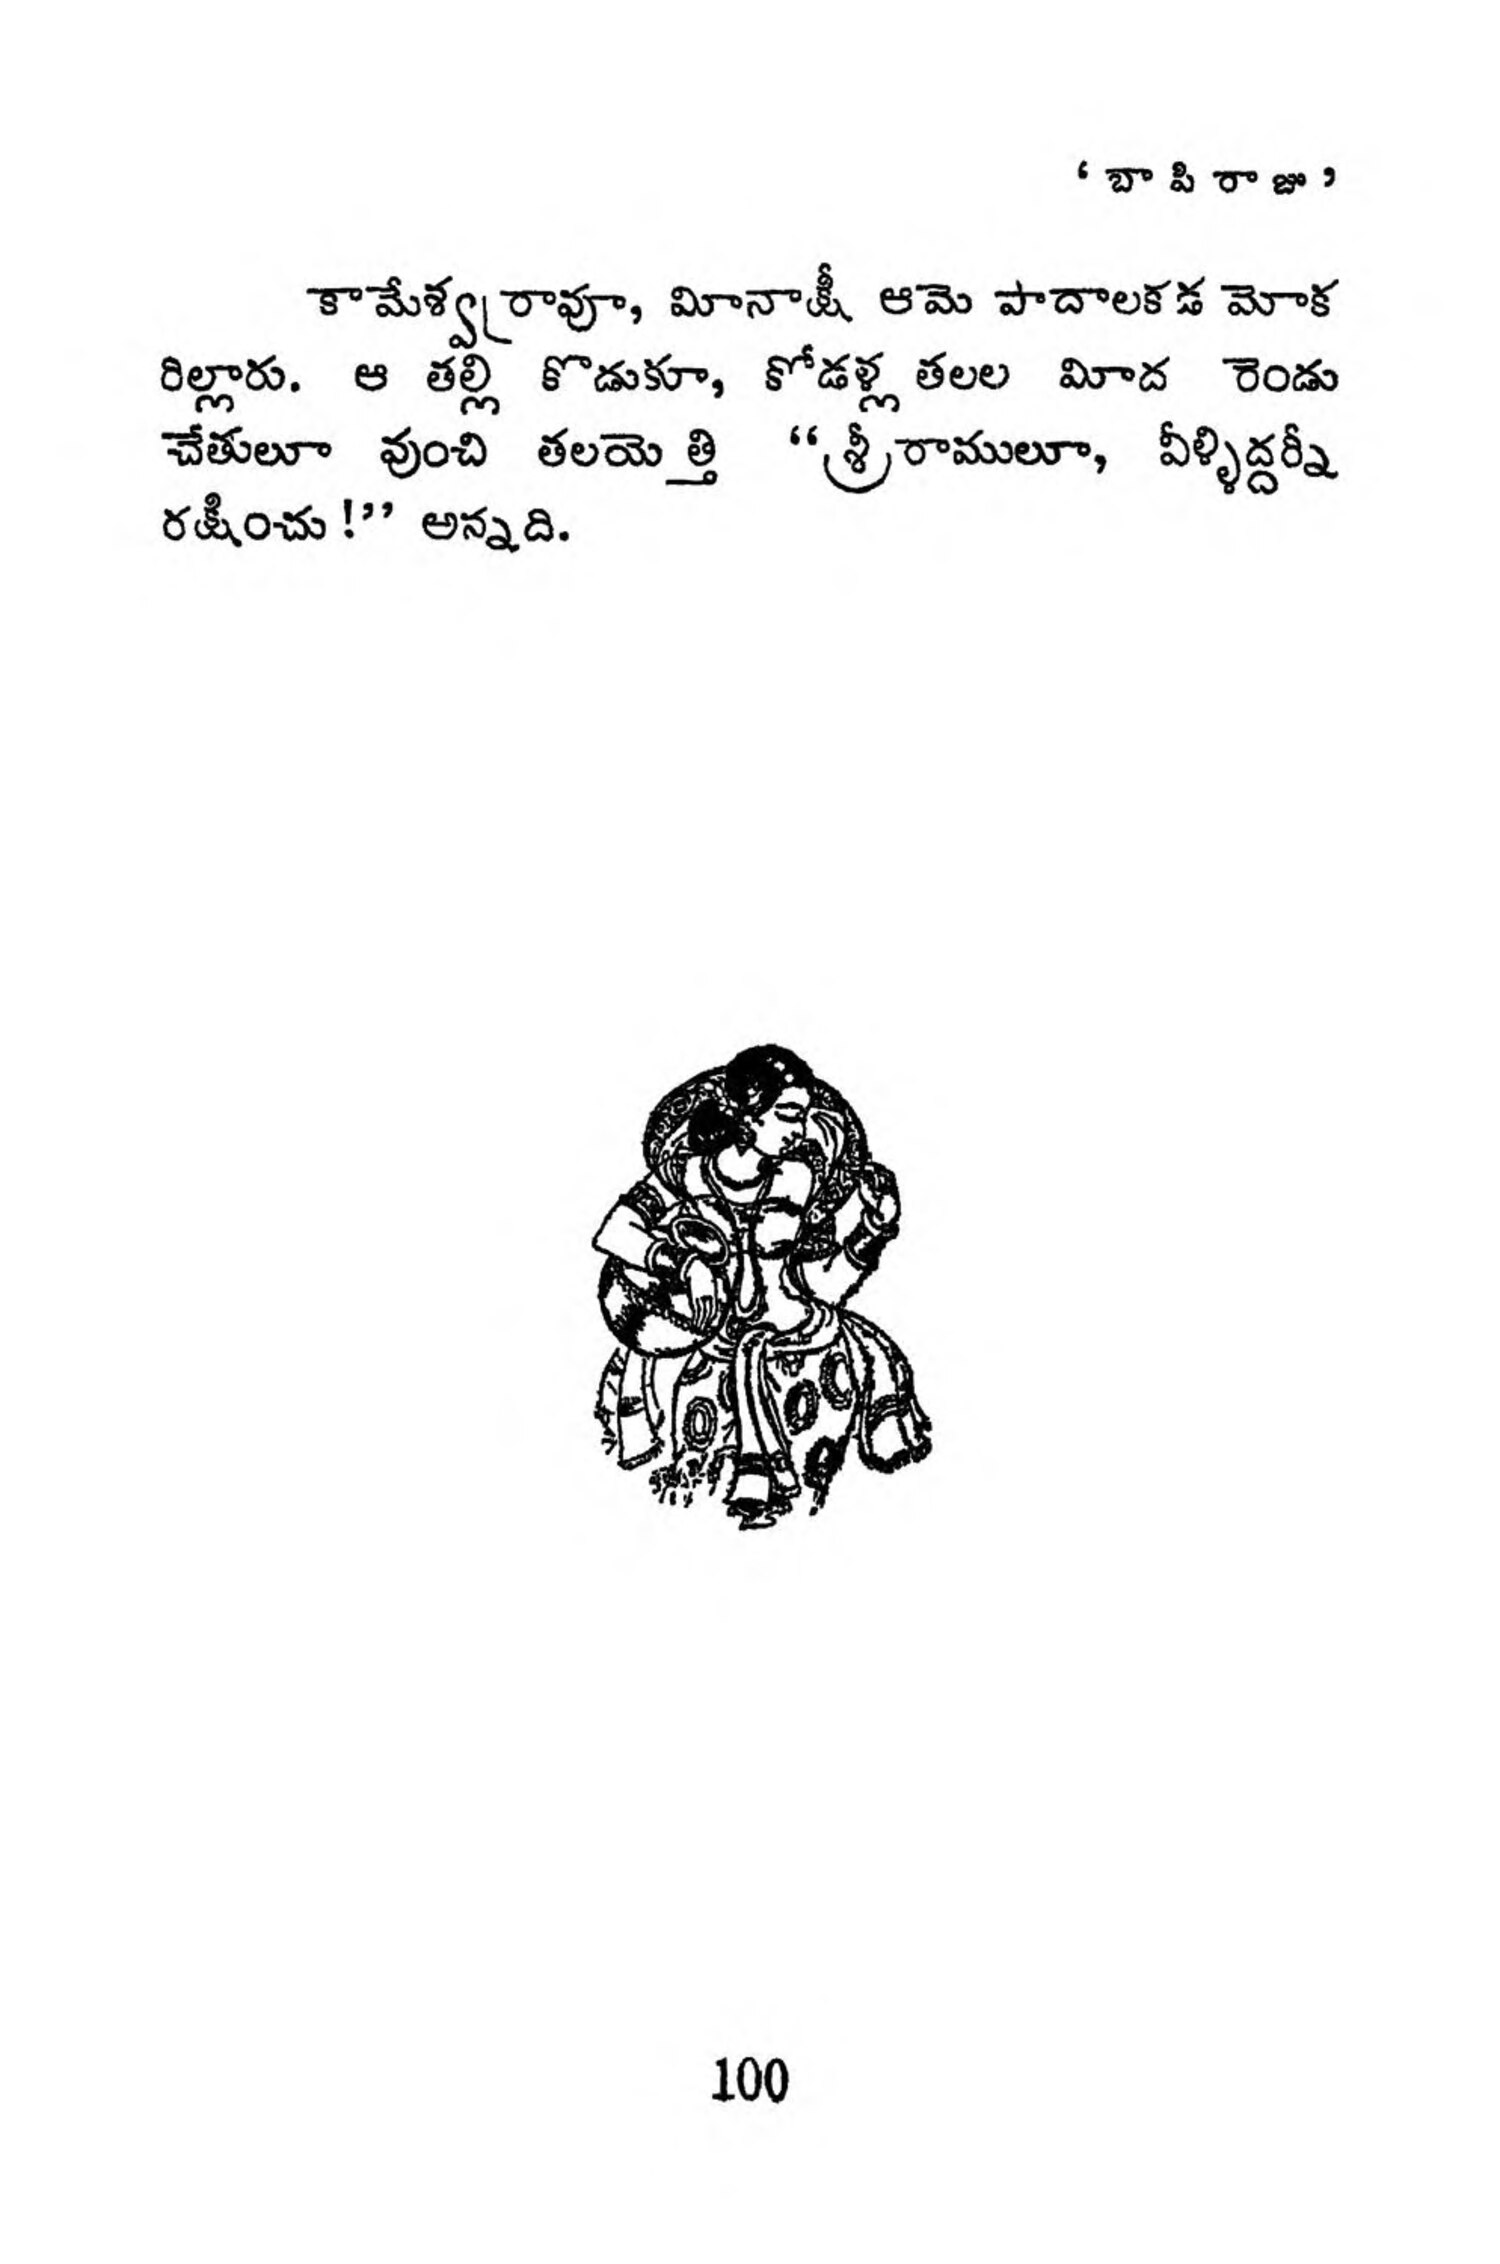కామేశ్వర్రావూ, మీనాక్షీ ఆమె పాదాలకడ మోకరిల్లారు. ఆ తల్లి కొడుకూ, కోడళ్ల తలల మీద రెండు చేతులూ వుంచి తలయెత్తి "శ్రీరాములూ, వీళ్ళిద్దర్నీ రక్షించు !" అన్నది.